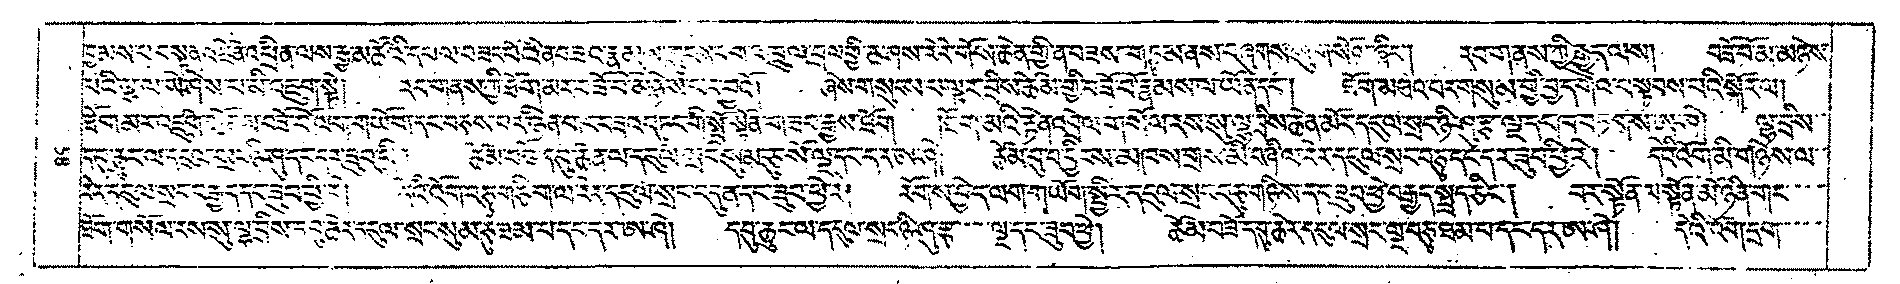བྱམས་པ་བསྟན་འཛིན་ཕྲིན་ལས་མཚོའི་དཔལ་བཟང་པོའི་ན་བཟའ་རྣམས་ཁུངས་དག་འཁྲུལ་བྲལ་གྱི་ཆ་ཤས་རེ་རེ་གོས་ཆེན་གྱི་ན་བཟས་གཏུམ་ནས་བཞུགས་སུ་གསོལ་ཞིང་། རབ་གནས་ཀྱི་རྒྱུད་ལས། བཟོ་བོ་མ་མཉེས་
པའི་ལྷ་ལ་ཡེ་ཤེས་པ་མི་འཇུག་སྟེ། རབ་གནས་ཀྱི་ཐོག་མར་བཟོ་བོ་མཉེས་པར་བྱའོ། །ཞེས་གསུངས་པ་ལྟར་བྲིས་ཚེམས་གྱི་བཟོ་བོ་རྣམས་ལ་ཡོན་དང་། ཐོག་མཐའ་བར་གསུམ་གྱི་བྱ་དགའ་བསྟབས་པའི་སྐོར་ལ།
ཐོག་མར་འཛུག་སྟོན་ལ་བཟོ་བོ་ལག་གཡོག་དང་བཅས་པར་ཉིན་གང་བཟའ་བཏུང་གི་སྤྲོ་སྟོན་གཟབ་རྒྱས་ཐོག །ཐོག་མའི་རྟེན་འབྲེལ་གསོལ་རས་སུ་ལྷ་བྲིས་ཆེན་མོར་དངུལ་སྲང་ཉི་ཤུ་རྩ་ལྔ་དང་ཁ་བཏགས་ཨ་ཤེ། ལྷ་བྲིས་
དབུ་ཆུང་ལ་དངུལ་སྲང་ཉི་ཤུ་དང་དར་ཟུབ་ཕྱི། ཚེམ་བཟོ་དབུ་ཆེན་ལ་དངུལ་སྲང་སུམ་ཆུ་སོ་ལྔ་དང་དར་ཨ་ཤེ། ཚེམ་བུ་བ་བྱིངས་མཁས་གྲས་མི་བཞི་ལ་རེར་དངུལ་སྲང་བཅུ་དང་དར་ཟུབ་ཕྱི་རེ། དེའི་འོག་མི་གཉིས་ལ་
རེར་དངུལ་སྲང་བརྒྱད་དང་ཟུབ་ཕྱི་རེ། དེའི་འོག་བཅུ་གཅིག་ལ་རེར་དངུལ་སྲང་བདུན་དང་ཟུབ་ཕྱི་རེ། རོགས་བྱེད་ལག་གཡོག་སྤྱིར་དངུལ་སྲང་བཅུ་གཉིས་དང་ཟུབ་ཕྱེ་བརྒྱད་སྤྲད་ཅིང་། བར་སྟོན་ལ་སྟོན་མོ་ཉིན་གང་
ཐོག་གསོལ་རས་སུ་ལྷ་བྲིས་དབུ་ཆེར་དངུལ་སྲང་སུམ་ཅུ་ཐམ་པ་དང་དར་ཨ་ཤེ། དབུ་ཆུང་ལ་དངུལ་སྲང་ཉི་ཤུ་རྩ་ལྔ་དང་ཟུབ་ཕྱེ། ཚེམ་བཟོ་དབུ་ཆེར་དངུལ་སྲང་ལྔ་བཅུ་ཐམ་པ་དང་དར་ཨ་ཤེ། དེའི་འོག་དྲག་